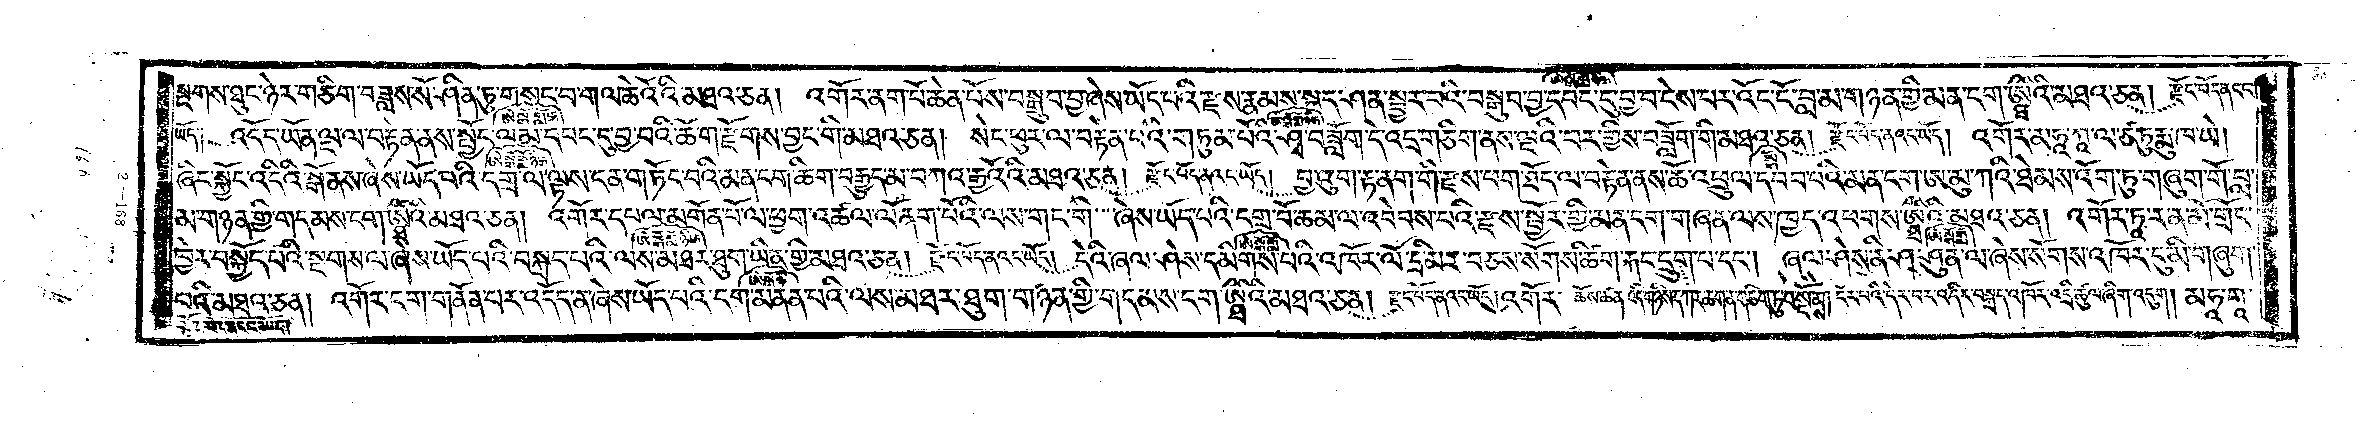སྔགས་ཐུང་ཉེར་གཅིག་བཟླས་སོ་ཤིན་ཏུ་གསང་བ་གལ་ཆེའོའི་མཐའ་ཅན། འགོར་ནག་པོ་ཆེན་པོས་བསྒྲུབ་བྱ་ཞེས་ཡོད་པའི་རྫས་རྣམས་སྐད་ཤན་སྦྱར་བའི་བསྒྲུབ་བྱ་དབང་དུ་བྱ་བ་ངེས་པར་འོང་ངོ་བླ་མ་གཉན་གྱི་མན་ངག་ཨིཐིའི་མཐའ་ཅན། རྫོང་པོད་ནའང་
ཡོད༑ འདོད་ཡོན་ལྔ་ལ་བརྟེན་ནས་སྦྱོང་ལམ་དབང་དུ་བྱ་བའི་ཆོ་ག་རྫོགས་བྱང་གི་མཐའ་ཅན། སེང་ཕུར་ལ་བརྟེན་པའི་གཏུམ་པོའི་ཤྭ་བཟློག་དེ་འདྲ་གཅིག་ནས་ལྔའི་བར་གྱིས་བཟློག་གི་མཐའ་ཅན། རྫོང་པོད་ནའང་ཡོད།  འགོར་མཧཱ་ཀཱ་ལ་ཙ་ཏུ་རྨུ་ཁ་ཡེ།
ཞིང་སྐྱོང་འདིའི་སྒོ་ནས་ཞེས་ཡོད་པའི་དགྲལ་ལྟས་ངན་གཏོང་གཏོང་བའི་མན་ངག་ཆིག་བརྒྱུད་མ་བཀའ་རྒྱའོའི་མཐའ་ཅན། རྫོང་པོད་ནའང་ཡོད།  བྱ་འུག་རྟ་ནག་གི་རྫས་པག་ཐོད་ལ་བརྟེན་ནས་ཆོ་འཕྲུལ་དབབ་པའི་མན་ངག་ཨ་མུ་ཀའི་ཐེམས་འོག་ཏུ་གཞུག་གོ་བླ་
མ་གཉན་གྱི་གདམས་ངག་ཨིཐིའི་མཐའ་ཅན། འགོར་དཔལ་མགོན་པོ་ལ་ཕྱག་འཚལ་ལོ་ནག་པོའི་ལས་གང་གི་ཞེས་ཡོད་པའི་དགྲ་བོ་ཆམ་ལ་འབེབས་པའི་རྫས་སྦྱོར་གྱི་མན་ངག་གཞན་ལས་ཁྱད་འཕགས་ཨིཐིའི་མཐའ་ཅན། འགོར་ཏཱ་ར་ན་མོ་གྲོང་
ཁྱེར་བསྐྱོད་པའི་སྔགས་ལ་ཞེས་ཡོད་པའི་བསྐྲད་པའི་ལས་མཐར་ཐུག་ཡིན་གྱི་མཐའ་ཅན། རྫོང་པོད་ནའང་ཡོད།  དེའི་ཞལ་ཤེས་དམིགས་པའི་འཁོར་ལོ་དྲི་མར་བཅས་སོགས་ཚིག་རྐང་དྲུག་པ་དང་། ཞལ་ཤེས་ནི་ཤ་ཤུན་ལ་ཞེས་སོགས་འཁོར་དུ་མི་གཞུག་
བའི་མཐའ་ཅན། འགོར་ངག་གནོན་པར་འདོད་ན་ཞེས་ཡོད་པའི་ངག་མནན་པའི་ལས་མཐར་ཐུག་གཉན་གྱི་གདམས་ངག་ཨིཐིའི་མཐའ་ཅན། རྫོང་པོད་ནའང་ཡོད།  འགོར་ཆོས་ཚན་འདི་གཉིས་དཀར་ཆག་ན་གཅིག་ཏུ་བསྡོམས། ངོར་བའི་དེར་བར་འདིར་བསྒྲད་འཁོར་འདྲི་ཚུལ་ཞིག་འདུག །  མ་ཧཱ་གཱ་